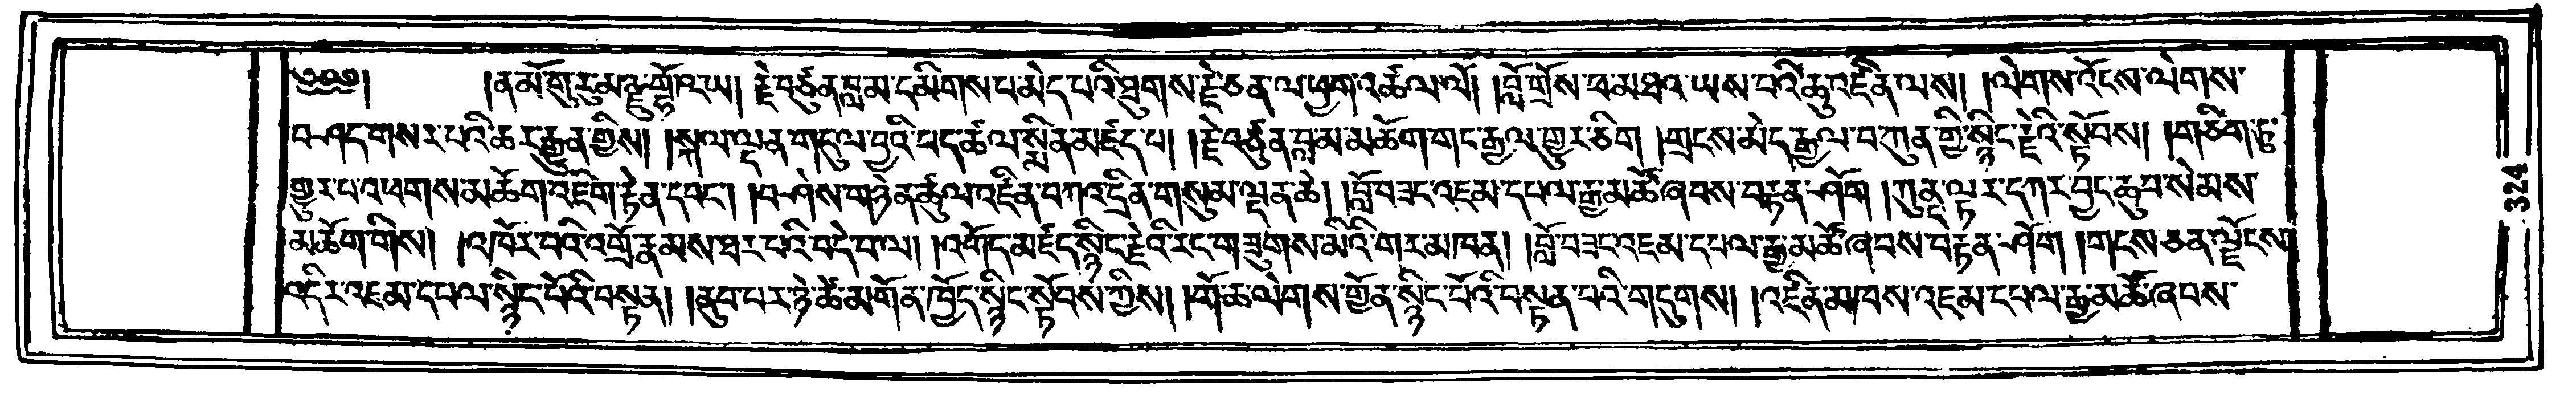༄༅༅། །ན་མོ་གུ་རུ་མཉྫུ་གྷོ་ཥ་ཡ། རྗེ་བཙུན་བླ་མ་དམིགས་པ་མེད་པའི་ཐུགས་རྗེ་ཅན་ལ་ཕྱག་འཚལ་ལོ། །བློ་གྲོས་ཕ་མཐའ་ཡས་པའི་ཆུ་འཛིན་ལས། །ལེགས་འོངས་ལེགས་
བཤད་གསར་པའི་ཆར་རྒྱུན་གྱིས། །སྐལ་ལྡན་གདུལ་བྱའི་པད་ཚལ་སྨིན་མཛད་པ། །རྗེ་བཙུན་བླ་མ་མཆོག་གང་རྒྱལ་གྱུར་ཅིག །གྲངས་མེད་རྒྱལ་བ་ཀུན་གྱི་སྙིང་རྗེའི་སྟོབས། །གཅིག་ཏུ་
གྱུར་པ་འཕགས་མཆོག་འཇིག་རྟེན་དབང་། །བཤེས་གཉེན་ཚུལ་འཛིན་བཀའ་དྲིན་གསུམ་ལྡན་ཆེ། །བློ་བཟང་འཇམ་དཔལ་རྒྱ་མཚོ་ཞབས་བརྟན་ཤོག །ཀུནྡ་ལྟར་དཀར་བྱང་ཆུབ་སེམས་
མཆོག་གིས། །འཁོར་བའི་འགྲོ་རྣམས་ཐར་པའི་བདེ་བ་ལ། །འགོད་མཛད་སྙིང་རྗེའི་རང་གཟུགས་མིའི་གར་མཁན། །བློ་བཟང་འཇམ་དཔལ་རྒྱ་མཚོ་ཞབས་བརྟན་ཤོག །གངས་ཅན་ལྗོངས་
འདིར་འཇམ་དཔལ་སྙིང་པོའི་བསྟན། །ནུབ་པར་ཉེ་ཚེ་མགོན་ཁྱོད་སྙིང་སྟོབས་ཀྱིས། །གོ་ཆ་ལེགས་གྱོན་སྙིང་པོའི་བསྟན་པའི་གདུགས། །འཛིན་མཁས་འཇམ་དཔལ་རྒྱ་མཚོ་ཞབས་